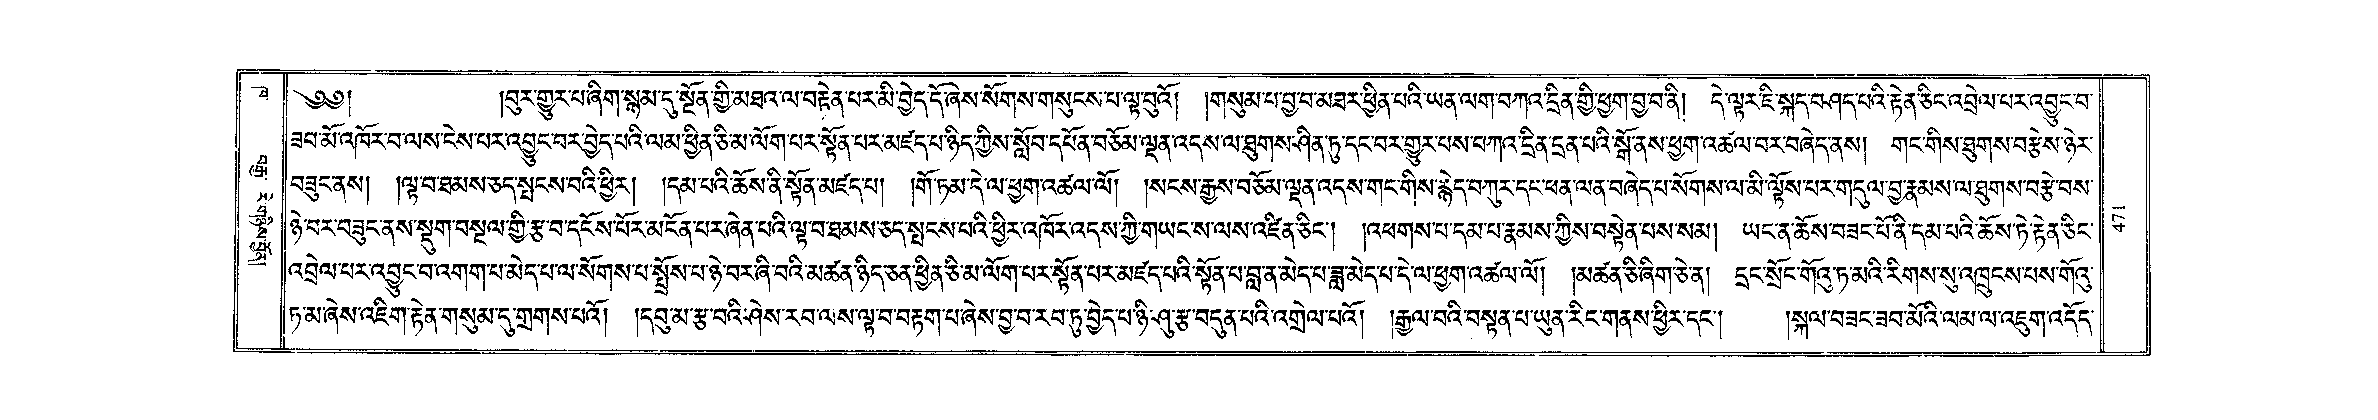༄༅། །བུར་གྱུར་པ་ཞིག་སྙམ་དུ་སྔོན་གྱི་མཐའ་ལ་བརྟེན་པར་མི་བྱེད་དོ་ཞེས་སོགས་གསུངས་པ་ལྟ་བུའོ། །གསུམ་པ་བྱ་བ་མཐར་ཕྱིན་པའི་ཡན་ལག་བཀའ་དྲིན་གྱི་ཕྱག་བྱ་བ་ནི། དེ་ལྟར་ཇི་སྐད་བཤད་པའི་རྟེན་ཅིང་འབྲེལ་པར་འབྱུང་བ་
ཟབ་མོ་འཁོར་བ་ལས་ངེས་པར་འབྱུང་བར་བྱེད་པའི་ལམ་ཕྱིན་ཅི་མ་ལོག་པར་སྟོན་པར་མཛད་པ་ཉིད་ཀྱིས་སློབ་དཔོན་བཅོམ་ལྡན་འདས་ལ་ཐུགས་ཤིན་ཏུ་དང་བར་གྱུར་པས་བཀའ་དྲིན་དྲན་པའི་སྒོ་ནས་ཕྱག་འཚལ་བར་བཞེད་ནས། གང་གིས་ཐུགས་བརྩེས་ཉེར་
བཟུང་ནས། །ལྟ་བ་ཐམས་ཅད་སྤངས་བའི་ཕྱིར། །དམ་པའི་ཆོས་ནི་སྟོན་མཛད་པ། །གོ་ཏམ་དེ་ལ་ཕྱག་འཚལ་ལོ། །སངས་རྒྱས་བཅོམ་ལྡན་འདས་གང་གིས་རྙེད་བཀུར་དང་ཕན་ལན་བཞེད་པ་སོགས་ལ་མི་ལྟོས་པར་གདུལ་བྱ་རྣམས་ལ་ཐུགས་བརྩེ་བས་
ཉེ་བར་བཟུང་ནས་སྡུག་བསྔལ་གྱི་རྩ་བ་དངོས་པོར་མངོན་པར་ཞེན་པའི་ལྟ་བ་ཐམས་ཅད་སྤངས་པའི་ཕྱིར་འཁོར་འདས་ཀྱི་གཡང་ས་ལས་འཛིན་ཅིང་། །འཕགས་པ་དམ་པ་རྣམས་ཀྱིས་བསྟེན་པས་སམ། ཡང་ན་ཆོས་བཟང་པོ་ནི་དམ་པའི་ཆོས་ཏེ་རྟེན་ཅིང་
འབྲེལ་པར་འབྱུང་བ་འགག་པ་མེད་པ་ལ་སོགས་པ་སྤྲོས་པ་ཉེ་བར་ཞི་བའི་མཚན་ཉིད་ཅན་ཕྱིན་ཅི་མ་ལོག་པར་སྟོན་པར་མཛད་པའི་སྟོན་པ་བླ་ན་མེད་པ་ཟླ་མེད་པ་དེ་ལ་ཕྱག་འཚལ་ལོ། །མཚན་ཅི་ཞིག་ཅེ་ན། དྲང་སྲོང་གོའུ་ཏ་མའི་རིགས་སུ་འཁྲུངས་པས་གོའུ་
ཏ་མ་ཞེས་འཇིག་རྟེན་གསུམ་དུ་གྲགས་པའོ། །དབུ་མ་རྩ་བའི་ཤེས་རབ་ལས་ལྟ་བ་བརྟག་པ་ཞེས་བྱ་བ་རབ་ཏུ་བྱེད་པ་ཉི་ཤུ་རྩ་བདུན་པའི་འགྲེལ་པའོ། །རྒྱལ་བའི་བསྟན་པ་ཡུན་རིང་གནས་ཕྱིར་དང་། །སྐལ་བཟང་ཟབ་མོའི་ལམ་ལ་འཇུག་འདོད་